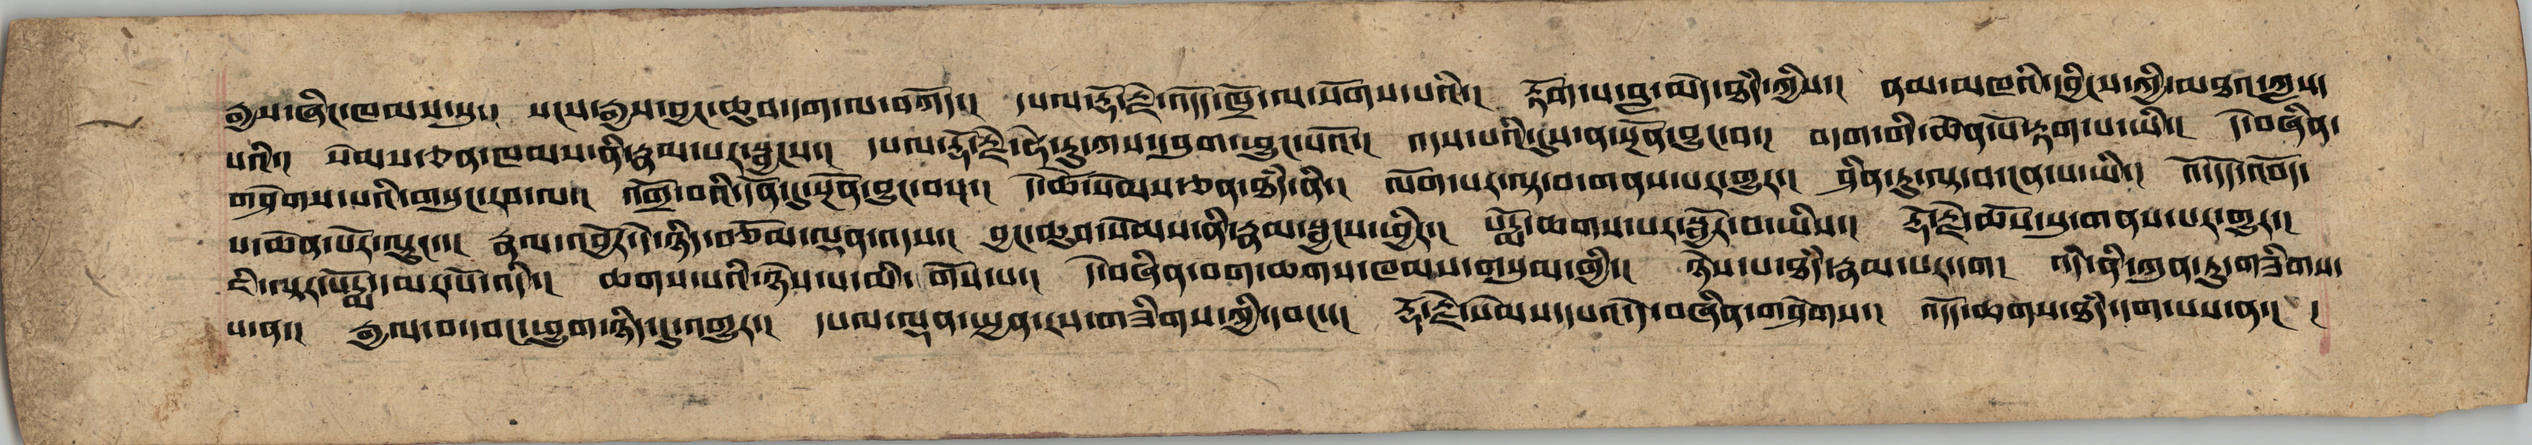རྒྱས་ཞིང་ཁམས་སུ་། སངས་རྒྱས་བྱང་ཆུབ་དག་ལ་བཀོད་། དཔལ་རྡོ་རྗེ་འདོད་ཁྲོ་ལ་སོགས་པའི་། རྟོག་པ་བླ་མེད་ཐཾད་ཀྱིས་། ནམ་མཁའི་དབྱིངས་ཀྱི་མཐའ་ཀླས་
པའི་། སེམས་ཅན་ཁམས་ནི་རྣམ་པར་སྦྱངས་། དཔལ་རྡོ་རྗེ་ཧེ་རུ་ཀས་དབུག་ཕྱུང་པའོ་། འདས་པའི་དུས་ན་སྔོན་བྱུང་བ་། བདག་གི་ཆེན་པོ་རྟག་པ་ཡི་། དེ་བཞིན་
གཤེགས་པའི་གསུང་རབ་ལ་། འགྲོ་བའི་དོན་དུ་སྔོན་བྱུང་བས་། དེ་ཚེ་སེམས་ཅན་ཐཾད་ནི་། ལོག་པར་ལྟ་བ་གནས་པར་གྱུར་། ཤིན་ཏུ་ལྟ་བ་ངན་པ་ཡི་། འོ་དོད་འབོད་
པ་ཆེན་པོར་ལྟུང་་། རྣལ་འབྱོར་དེ་ཉིད་བཅོམ་ལྡན་འདས་། བྱང་ཆུབ་སེམས་ནི་རྣམ་སྦྱངས་ཕྱིར་། པདྨོ་ཆགས་པར་སྦྱོར་བ་ཡིས་། རྡོ་རྗེ་ཆོས་སུ་གནས་པར་གྱུར་།
ཇི་ལྟར་པདྨོ་དམར་པོ་འདི་། ཆགས་པའི་ཉེས་པ་མི་ གོས་པ་། དེ་བཞིན་བག་ཆགས་ཁམས་གསུམ་གྱི་། ཉེས་པ་ཐཾད་རྣམ་པར་དག། འདི་ནི་ཀུན་ཏུ་གཟིགས་
པ་ན་། རྒྱལ་བ་དབང་ཕྱུག་ཉིད་དུ་འགྱུར་། དཔལ་ལྡན་སྤྱན་རས་གཟིགས་ཀྱི་དབང་་། རྡོ་རྗེ་སེམས་དཔའ་དེ་བཞིན་གཤེགས་། འདོད་ཆགས་ཐཾད་དག་པས་ན་།